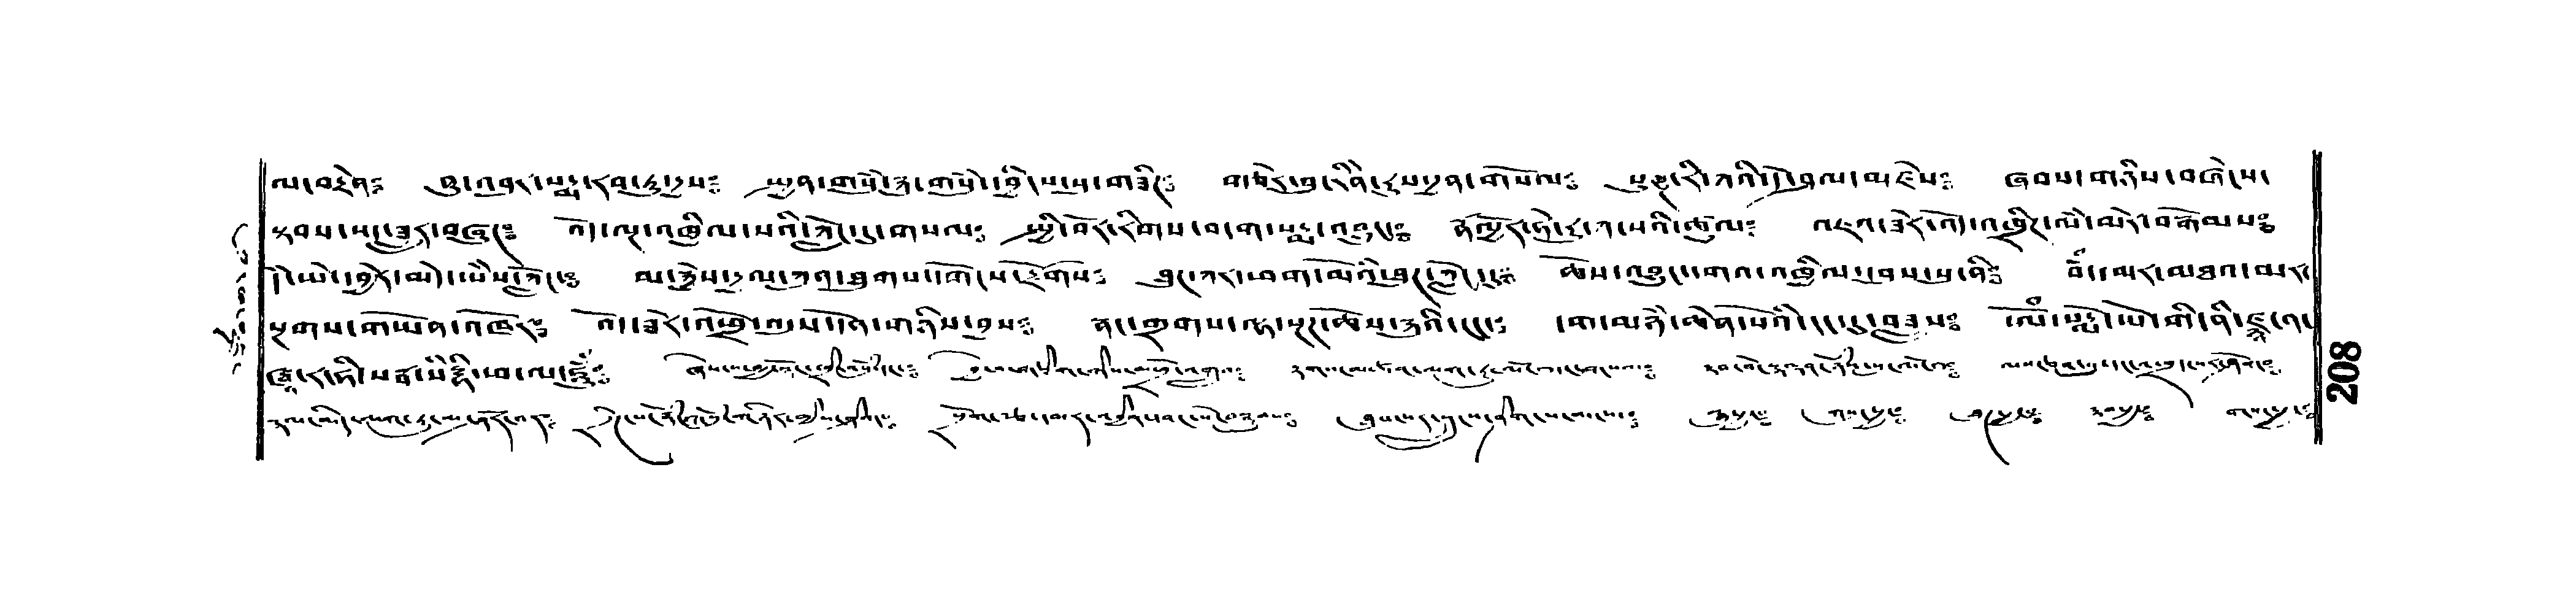ལ་བརྟེན༔ ནུ་འབུར་པདྨ་རབ་ཏུ་རྒྱས༔ སྤྱན་གསུམ་སྐུ་གསུམ་དབྱིངས་སུ་གཟིགས༔ གཅེར་བུ་རིན་ཆེན་རུས་རྒྱན་གསོལ༔ པུཎྜ་རི་ཀའི་དོ་ཤལ་མཛེས༔ ཞབས་གཉིས་བཞེངས་
སྟབས་པད་ཟླར་བཞུགས༔ འོད་ལྔ་འཁྱིལ་པའི་ཀློང་དུ་གསལ༔ སྤྱི་བོར་རིགས་བདག་པདྨ་འབྱུང༔ རྣལ་འབྱོར་ཧེ་རུ་ཀ་པའི་ཚུལ༔ འཇའ་ཟེར་འོད་འཁྲིགས་ལམ་མེར་བསྒོམས༔ 
དམ་ཡེ་དབྱེར་མེད་ཡེ་ཤེས་ཀློང༔ མ་སྐྱེས་རྒྱལ་ཀུན་ཐུགས་དགོངས་རྫོགས༔ ཐུགས་དཀར་ཕག་མོའི་ཐུགས་ཀློང་དུ༔ ཆོས་འབྱུང་དགའ་འཁྱིལ་དབུས་སུ་ནི༔ བྃ་དམར་མཐའ་མར་
སྔགས་གཡོན་འཁོར༔ འོད་ཟེར་འཕྲོ་འདུས་དོན་གཉིས་བྱས༔ སྣང་གྲགས་ལྷ་སྔགས་ཆོས་སྐུའི་ངང༔ དག་མཉམ་ཆེན་པོའི་ངང་དུ་བཟླས༔ ཨོཾ་པདྨོ་ཡོ་གི་ནི་ཛྙཱ་ན་
ཝཱ་ར་ཧི་སརྦ་སིདྡྷི་ཕ་ལ་ཧཱུྃ༔ ཞེས་པ་བརྒྱ་སྟོང་ཁྲི་འབུམ་དང༔བྱེ་བ་གཅིག་གིས་མཁའ་འགྲོ་འགྲུབ༔ རྟགས་མཚན་ལག་ཏུ་ལོངས་དང་གསལ༔ ཟབ་བོ་སྐལ་ལྡན་ཉམས་སུ་ལོངས༔ ལས་ཅན་བུ་དང་འཕྲད་པར་ཤོག༔ 
སྐལ་མེད་ལག་ཏུ་མ་ཤོར་བར༔ དྲེགས་པ་རྣམ་གསུམ་གཉེར་གྱིས་ཤིག༔ སྲོག་རྩ་དམར་འབྱིན་དབང་པོ་བསྣུབས༔ ཐུབ་པར་སྲུངས་ཤིག་ས་མ་ཡ༔ སྐུ་རྒྱ༔ གསུང་རྒྱ༔ ཐུགས་རྒྱ༔ ཟབ་རྒྱ༔ གསང་རྒྱ༔